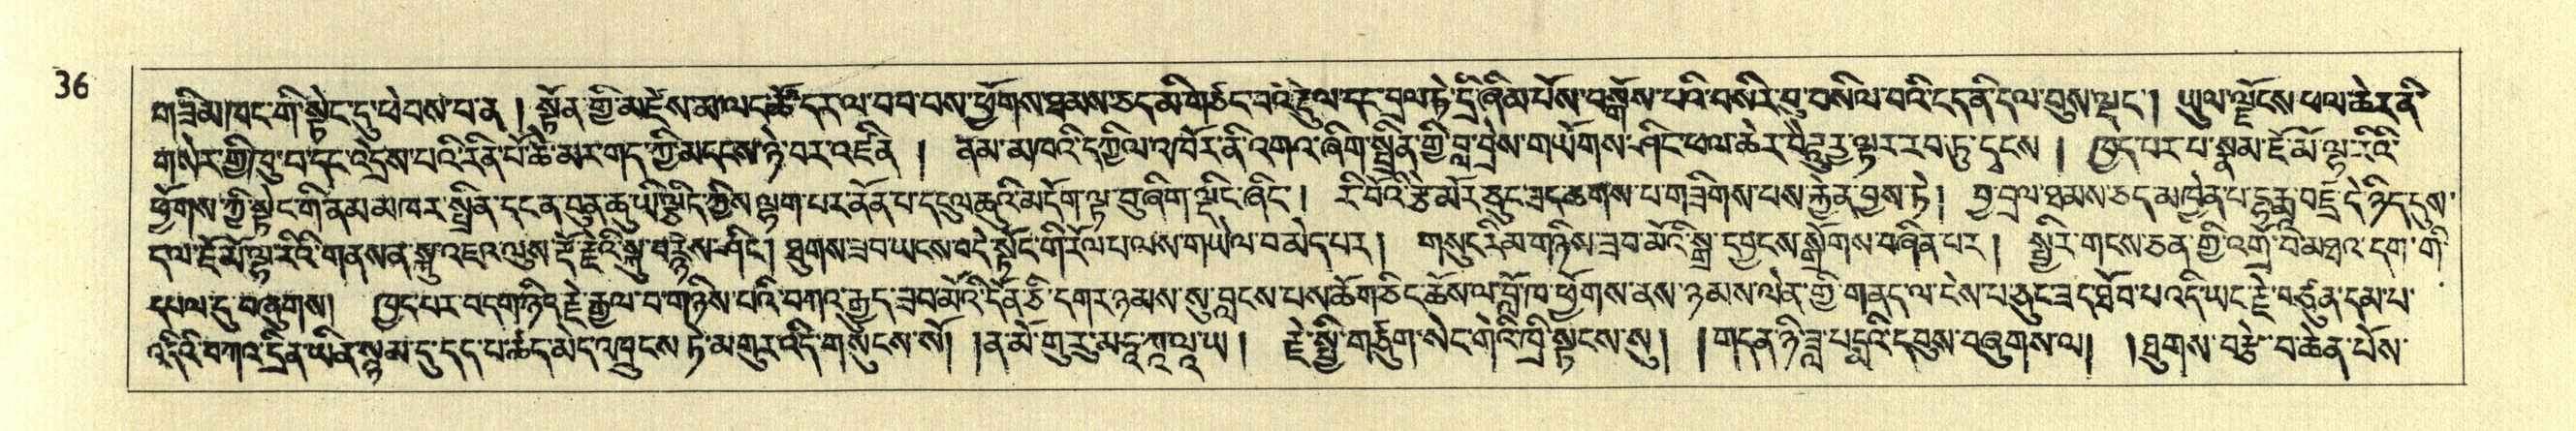གཟིམ་ཁང་གི་སྟེང་དུ་ཕེབས་པ་ན། སྟོན་གྱི་མཛེས་མ་ལང་ཚོ་དར་ལ་བབ་པས་ཕྱོགས་ཐམས་ཅད་མི་གཙང་བའི་རྡུལ་དང་བྲལ་ཏེ་དྲི་ཞིམ་པོས་བསྒོས་པའི་བསིར་བུ་བསིལ་བའི་ངད་ནི་དལ་བུས་ལྡང་། ཡུལ་ལྗོངས་ཕལ་ཆེར་ནི་
གསེར་གྱི་ཁུ་བ་དང་འདྲེས་པའི་རིན་པོ་ཆེ་མར་གད་ཀྱི་མདངས་ཉེ་བར་འཛིན། ནམ་མཁའི་དཀྱིལ་འཁོར་ནི་འགའ་ཞིག་སྤྲིན་གྱི་བླ་བྲེས་གཡོགས་ཤིང་ཕལ་ཆེར་བཻཌཱུརྱ་ལྟར་རབ་ཏུ་དྭངས། ཁྱད་པར་པ་སྣམ་ཇོ་མོ་ལྷ་རིའི་
ཕྱོགས་ཀྱི་སྟེང་གི་ནམ་མཁར་སྤྲིན་དང་ན་བུན་ཆུ་ཡི་ལྕིད་ཀྱིས་ལྷག་པར་ནོན་པ་དངུལ་ཆུའི་མདོག་ལྟ་བུ་ཞིག་ལྡིང་ཞིང་། རི་བོའི་རྩེ་མོར་ཅུང་ཟད་ཆགས་པ་གཟིགས་པས་རྐྱེན་བྱས་ཏེ། བྱ་བྲལ་ཐམས་ཅད་མཁྱེན་པ་དྷརྨཱ་བཛྲ་དེ་ཉིད་དུས་
དལ་ཇོ་མོ་ལྷ་རིའི་གནས་ན་སྐུ་འཇའ་ལུས་རྡོ་རྗེའི་སྐུ་བརྙེས་ཤིང་། ཐུགས་ཟབ་ཡངས་བདེ་སྟོང་གི་རོལ་པ་ལས་གཡེལ་བ་མེད་པར། གསུང་རིམ་གཉིས་ཟབ་མོའི་སྒྲ་དབྱངས་སྒྲོགས་བཞིན་པར། སྤྱིར་གངས་ཅན་གྱི་འགྲོ་བ་མཐའ་དག་གི་
དཔལ་དུ་བཞུགས། ཁྱད་པར་བདག་ཉིད་རྗེ་རྒྱལ་བ་གཉིས་པའི་བཀའ་རྒྱུད་ཟབ་མོའི་དོན་ཅི་དགར་ཉམས་སུ་བླངས་པས་ཆོག་ཅིང་ཆོས་ལ་བློ་ཁ་ཕྱོགས་ནས་ཉམས་ལེན་གྱི་གནད་ལ་ངེས་པ་ཅུང་ཟད་ཐོབ་པ་འདི་ཡང་རྗེ་བཙུན་དམ་པ་
འདིའི་བཀའ་དྲིན་ཡིན་སྙམ་དུ་དད་པ་ཚད་མེད་འཁྲུངས་ཏེ་མགུར་འདི་གསུངས་སོ། །ན་མོ་གུ་རུ་མཧཱ་ཀཱ་ལཱ་ཡ། རྗེ་སྤྱི་གཙུག་སེང་གེའི་ཁྲི་སྟངས་སུ། །གདན་ཉི་ཟླ་པདམའི་དབུས་བཞུགས་ལ། །ཐུགས་བརྩེ་བ་ཆེན་པོས་